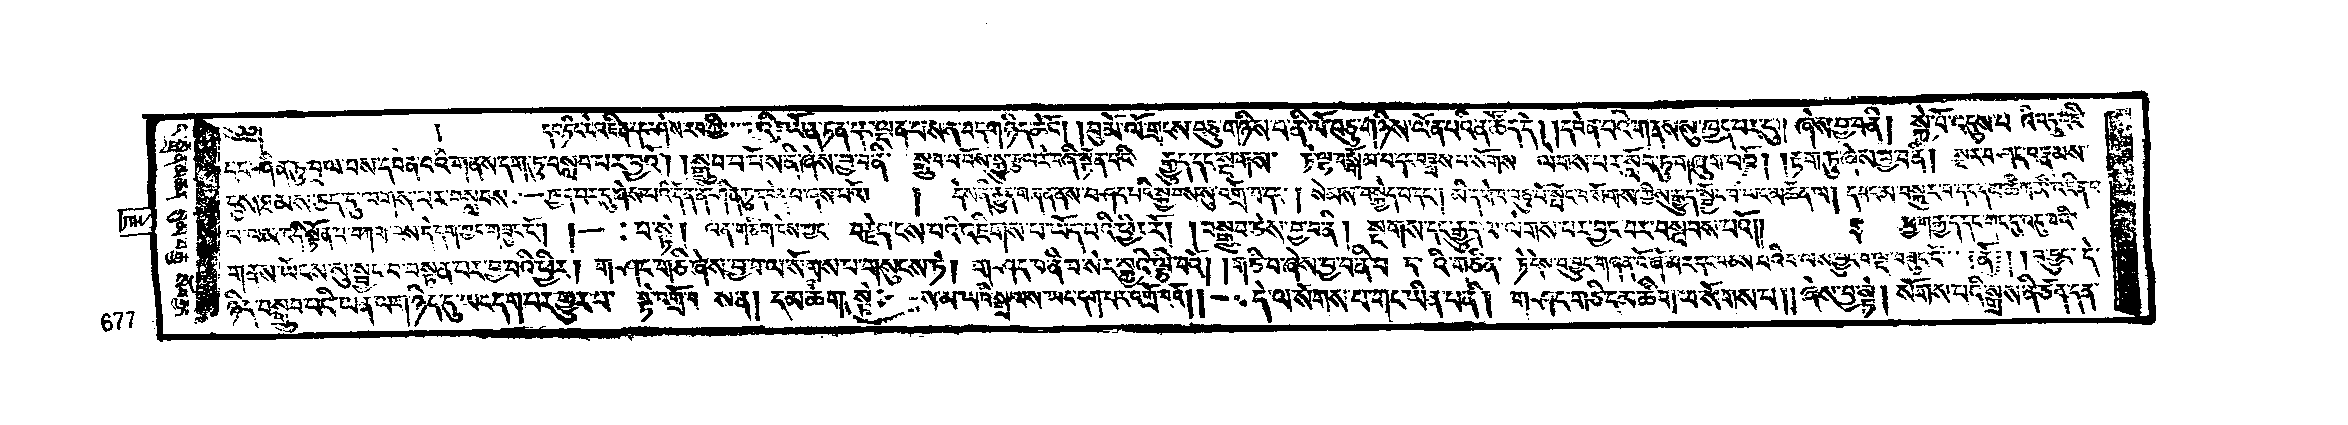༄༅། །འགྲུས་དང་དྲན་པ་དང་ཏིང་ངེ་འཛིན་དང་ཤེས་རབ་ཀྱིའི་ཡོན་ཏན་དང་ལྡན་པས་ན་བདག་ཉིད་ཆེའོ། །བུ་མོ་ལོ་གྲངས་བཅུ་གཉིས་པ་ནི་ལོ་བཅུ་གཉིས་ལོན་པའི་ན་ཚོད་དེ། །དབེན་པའི་གནས་སུ་ཁྱད་པར་དུ། ཞེས་བྱ་བ་ནི། སྐྱེ་བོ་འདུས་པའི་འདུ་འཇི་
དང་ཤིན་ཏུ་བྲལ་བས་དབེན་པའི་གནས་དག་ཏུ་བསླབ་པར་བྱའོ། །སྒྲུབ་པ་པོས་ནི་ཞེས་བྱ་བ་ནི་སྒྲུབ་པ་པོས་སྐྱུ་རྩལ་རེ་བཞི་སྟོན་པའི་རྒྱུད་དང་སྔགས་ཏེ་ལྷ་བསྒོམ་པ་དང་བཟླས་པ་སོགས་ལེགས་པར་སློབ་ཏུ་གཞུག་པའོ། །རྟག་ཏུ་ཞེས་བྱ་བ་ནི། སྔར་བཤད་པ་རྣམས་
དུས་ཐམས་ཅད་དུ་ལེགས་པར་བསློབསཿ་ཁྱད་པར་དུ་ཞེས་པའི་དོན་ནི་ཤིན་ཏུ་དབེན་པ་ཞས་པའོ། །དེས་ནི་རྒྱུད་གཞན་ནས་བཤད་པའི་སྐྱབས་སུ་འགྲོ་བ་དང་། སེམས་བསྐྱེད་པ་དང་། མི་དགེ་བ་བཅུ་པོ་སྤོང་བ་སོགས་ཀྱིས་རྒྱུད་སྦྱོང་བ་ཡང་མཚོན་ལ། དབང་མ་བསྐུར་བ་དང་དམ་ཚིག་མི་འཛིན་པ་
ལ་ལམ་འདི་སྟོན་པ་བཀག་པས་དེ་དག་ཀྱང་གཟུང་ངོ། །.H པ་སྟེ། ལན་གཅིག་ངེས་ཀྱང་བརྗེད་ངས་པའི་འཇིགས་པ་ཡོད་པའི་ཕྱིར་རོ། །བསྒྲུབ་ཅེས་བྱ་བ་ནི། སྔགས་དང་རྒྱུད་ལ་ལེགས་པར་བྱང་བར་བསླབས་པའོ།། ༈ ཕྱག་རྒྱ་དེ་དང་གང་དུ་འདུ་བའི་
གནས་ཡོངས་སུ་སྦྱང་བ་བསྟན་པར་བྱ་བའི་ཕྱིར། གཤད་གཅིག་ཞེས་བྱ་བ་ལ་སོགས་པ་གསུངས་ཏེ། གཤད་པ་ནི་བ་སེར་སྐྱའི་ལྕི་བའོ། །གཅི་བ་ཞེས་བྱ་བ་ནི་བ་དེའི་གཅིན་ཏེ་ངེ་བ་བྱུང་གཞན་འོ་ཞེ་མར་དང་བཅས་པའི་བ་ལས་བྱུང་བ་ལྔ་བཟུང་ངོ་ནོ། །བ་བྱུང་དེ་
ཉིད་བསྒྲུབ་པའི་ཡན་ལག་ཉིད་དུ་ཡང་དག་པར་གྱུར་པ་སྟེ་འགྲོ་བས་ན། དམ་ཚིག་སྟེ་H.་ས་མ་ཡའི་སྒྲ་ལས་ཡང་དག་པར་འགྲོ་བའོ། ། .H དེ་ལ་སོགས་པ་གང་ཡིན་པ་ནི། གཤད་གཅི་དམ་ཚིག་པ་སོགས་པ། །ཞེས་བྱ་སྟེ། སོགས་པའི་སྒྲས་ནི་ཙེན་དན་